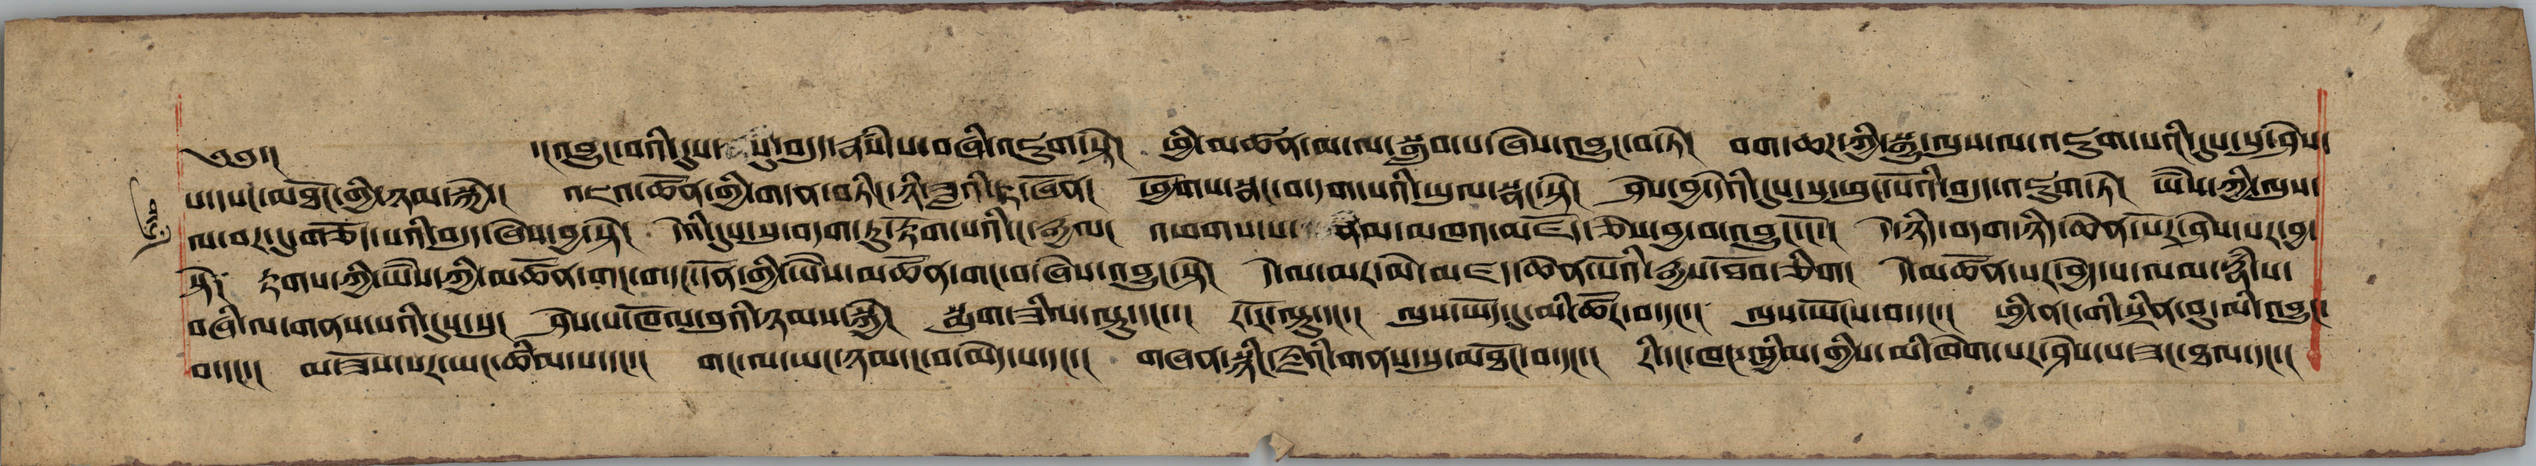༄༅་། ་།འབྱུང་བའི་དུས་སུ་བདུད་རྣཾས་པ་བཞི་འཇུག་སྟེ། ཕྱི་མཚན་མ་ལ་སྒྲུབ་པ་ཞེས་འབྱུང་བ་ཏེ། བག་ཆཌ་ཀྱི་སྒྱུ་ལུས་ལ་འཇུག་པའི་དུས་སུ་ཤེས་
པ་དཔང་མཐོང་གྱི་ཉམ་སྐྱེ་། འཇའ་ཚོན་གྱི་གདན་བཏིང་ཉི་ཟླའི་རྟ་ཞོན། ཕྱོགས་སྣང་བ་དག་པའི་ཡུལ་སྣང་སྟེ། ཤེས་བྱ་དེའི་དུས་སུ་ཕུང་པོའི་བདུད་འཇུག་ཏེ། ཡཻས་ཀྱི་ལུས་
ལ་བར་དུ་གཅོད་པའི་བདུད་ཞེས་བྱ་སྟེ། དེའི་དུས་སུ་བདག་ཏུ་རྟོག་པའི་ང་རྒྱལ། འཕགས་པ་ ནམ་མཁའ་མཛོད་ཅེས་བྱ་བ་འབྱུང་ངོ་། དེ་ཉིད་བདག་ཉིད་ཆེན་པོར་ཤེས་པར་བྱ་
སྟེ། རྟགས་ཀྱི་ཡཻས་ཀྱི་མཚོན་གང་གདང་དོན་གྱི་ཡཻས་མཚོན་གང་བ་ཞེས་འབྱུང་སྟེ། དེ་ལ་མར་མེ་མཛད་ཆེན་པོའི་རྒྱས་ཐོབ་ཅིག། དེ་མཚོན་པར་བྱེད་པ་ལམ་རྣཾ་པ་
བཞི་ལ་གནས་པའི་དུས་སུ། ཤེས་པ་ཁོལ་བུའི་ཉམས་སྐྱེ། སྨུག་ཟིལ་ལྟུ་དང་་། ར་རོ་ལྟུ་དང་། ལུས་ཡོད་དུ་མི་ཚོར་བ་དང་། ལུས་ཡོངས་བ་དང་། ཕྱི་ནང་གི་སྲིན་བུ་མི་འབྱུང་
བ་དང་མ་ཟོས་པར་ཡང་ཚིམ་པ་དང་། གང་ལ་ཡང་ཉམ་ང་བ་མེད་པ་དང་། གཞན་སྙིང་རྗེའི་གནས་སུ་མཐོང་བ་དང་། རི་དང་ཁང་ཁྱིམ་གྱིས་མི་ཁེག་པར་ཤེས་པ་ཟང་ཐལ་དང་།